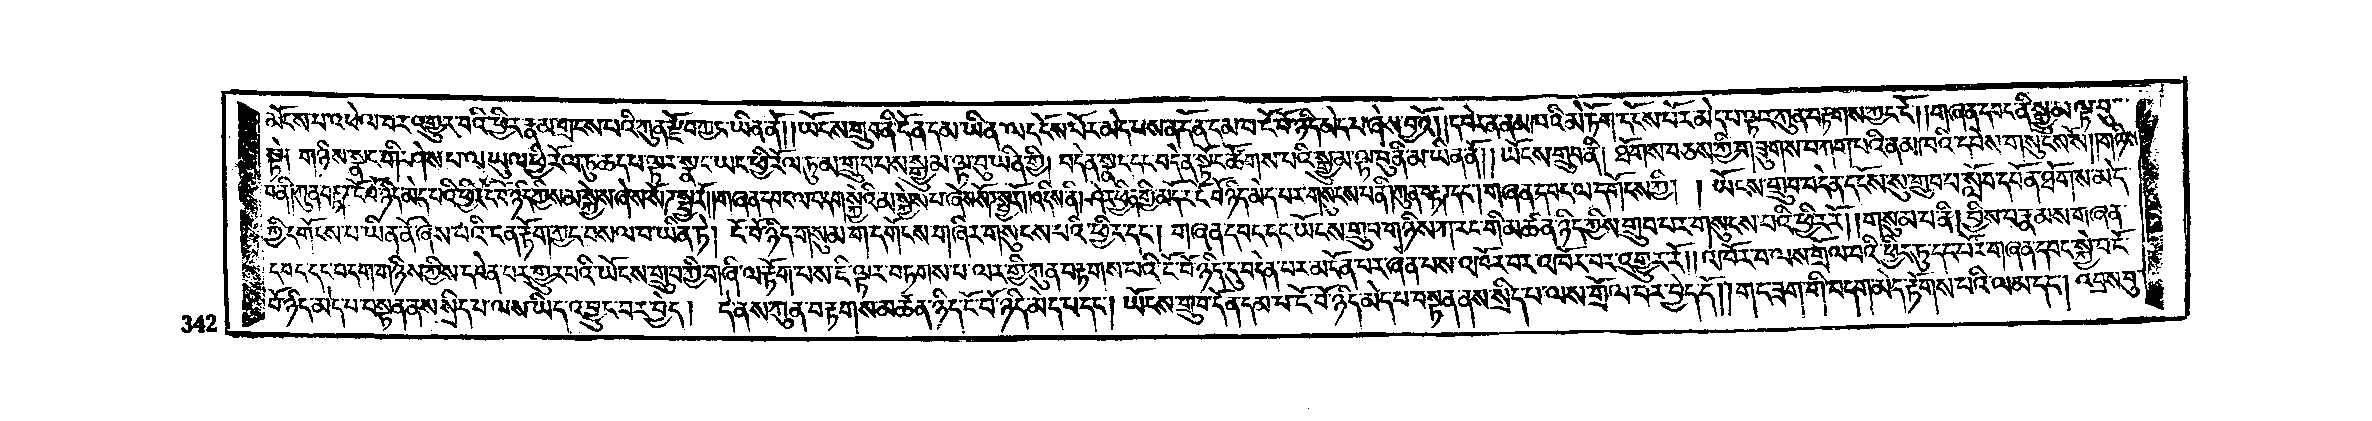མོངས་པ་འཕེལ་བར་འགྱུར་བའི་ཕྱིར་རྣམ་གྲངས་པའི་ཀུན་རྫོབ་ཀྱང་ཡིན་ནོ། །ཡོངས་གྲུབ་ནི་དོན་དམ་ཡིན་ལ་དངོས་པོར་མེད་པས་ན་དོན་དམ་པ་ངོ་བོ་ཉིད་མེད་པ་ཞེས་བྱའོ། །དཔེར་ན་ནམ་མཁའི་མེ་ཏོག་དངོས་པོར་མེད་པ་ལྟར་ཀུན་བརྟགས་ཀྱང་ངོ། །གཞན་དབང་ནི་སྒྱུ་མ་ལྟ་བུ་
སྟེ། གཉིས་སྣང་གི་ཤེས་པ་ལ་ཡུལ་ཕྱི་རོལ་ཏུ་ཆད་པ་ལྟར་སྣང་ཡང་ཕྱི་རོལ་ཏུ་མ་གྲུབ་པས་སྒྱུ་མ་ལྟ་བུ་ཡིན་གྱི། བདེན་སྣང་དང་བདེན་སྟོང་ཚོགས་པའི་སྒྱུ་མ་ལྟ་བུ་ནི་མ་ཡིན་ནོ། །ཡོངས་གྲུབ་ནི། ཐོགས་བཅས་ཀྱི་གཟུགས་བཀག་པའི་ནམ་མཁའི་དཔེས་གསུངས་སོ། །གཉིས་
པ་ནི། ཀུན་བརྟགས་ངོ་བོ་ཉིད་མེད་པའི་ཕྱིར་ངོ་བོ་ཉིད་ཀྱིས་མ་སྐྱེས་ཞེས་སོགས་སྦྱར་རོ། །གཞན་དབང་ལ་བདག་སྐྱེའི་མ་སྐྱེས་པ་ཞེས་སོགས་སྦྱར་རོ། །འདིས་ནི། ཤེར་ཕྱིན་གྱི་མདོར་ངོ་བོ་ཉིད་མེད་པར་གསུངས་པ་ནི། ཀུན་བརྟགས་དང་། གཞན་དབང་ལ་དགོངས་ཀྱི། ཡོངས་གྲུབ་བདེན་དངོས་སུ་གྲུབ་པ་སློབ་དཔོན་ཐོགས་མེད་
ཀྱི་དགོངས་པ་ཡིན་ནོ་ཞེས་པའི་ངན་རྟོག་ཀྱང་བསལ་བ་ཡིན་ཏེ། ངོ་བོ་ཉིད་གསུམ་ག་དགོངས་གཞིར་གསུངས་པའི་ཕྱིར་དང་། གཞན་དབང་དང་ཡོངས་གྲུབ་གཉིས་ཀ་རང་གི་མཚན་ཉིད་ཀྱིས་གྲུབ་པར་གསུངས་པའི་ཕྱིར་རོ། །གསུམ་པ་ནི། བྱིས་པ་རྣམས་གཞན་
དབང་དང་བདག་གཉིས་ཀྱིས་དབེན་པར་གྱུར་པའི་ཡོངས་གྲུབ་ཀྱི་གཞི་ལ་རྟོག་པས་ཇི་ལྟར་བཏགས་པ་ལར་གྱི་ཀུན་བརྟགས་པའི་ངོ་བོ་ཉིད་དུ་བདེན་པར་མངོན་པར་ཞེན་པས་འཁོར་བར་འཁོར་བར་འགྱུར་རོ། །འཁོར་བ་ལས་གྲོལ་བའི་ཕྱིར་ཏུ་དང་པོར་གཞན་དབང་སྐྱེ་བ་ངོ་
བོ་ཉིད་མེད་པ་བསྟན་ནས་སྲིད་པ་ལས་ཡིད་འབྱུང་བར་བྱེད། དེ་ནས་ཀུན་བརྟགས་མཚན་ཉིད་ངོ་བོ་ཉིད་མེད་པ་དང་། ཡོངས་གྲུབ་དོན་དམ་པ་ངོ་བོ་ཉིད་མེད་པ་བསྟན་ནས་སྲིད་པ་ལས་གྲོལ་བར་བྱེད་དོ། །གང་ཟག་གི་བདག་མེད་རྟོགས་པའི་ལམ་དང་། འབྲས་བུ་